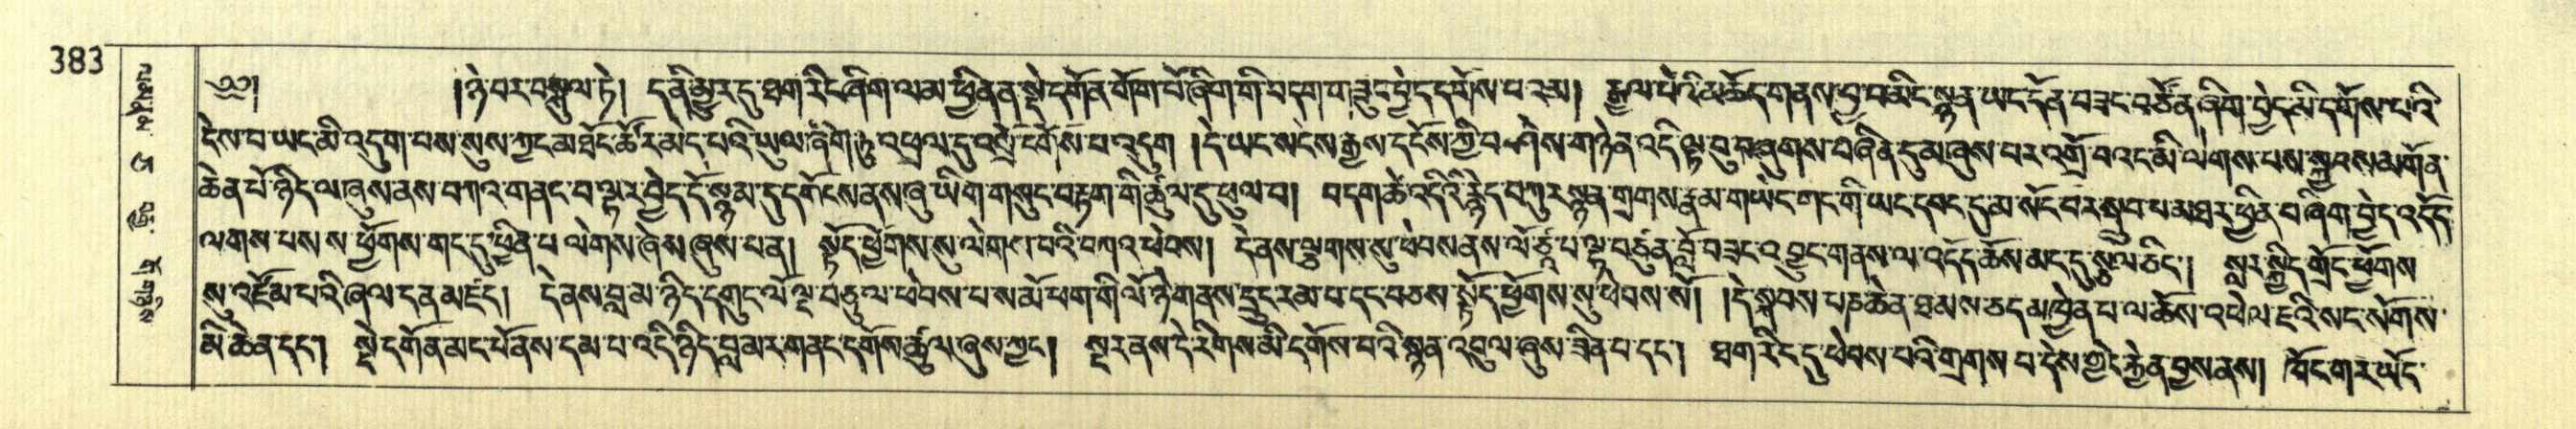༄༅། །ཉེ་བར་བསྐུལ་ཏེ། ད་ནི་མྱུར་དུ་ཐག་རིང་ཞིག་ལམ་ཕྱིན་ན་སྡེ་དགོན་གོག་པོ་ཞིག་གི་བདག་གཟུང་བྱེད་དགོས་པའམ། རྒྱལ་པོའི་མཆོད་གནས་བྱ་བ་མིང་སྙན་ཡང་དོན་བཟང་བཙོན་ཞིག་བྱེད་མི་དགོས་པའི་
ངེས་བ་ཡང་མི་འདུག་པས་སུས་ཀྱང་མཐོང་ཚོར་མེད་པའི་ཡུལ་ཞིག་ཏུ་འཕྲལ་དུ་འབྲོ་དགོས་པ་འདུག །དེ་ཡང་སངས་རྒྱས་དངོས་ཀྱི་བཤེས་གཉེན་འདི་ལྟ་བུ་བཞུགས་བཞིན་དུ་མ་ཞུས་པར་འགྲོ་བའང་མི་ལེགས་པས་སྐྱབས་མགོན་
ཆེན་པོ་ཉིད་ལ་ཞུས་ནས་བཀའ་གནང་བ་ལྟར་བྱེད་དོ་སྙམ་དུ་དགོངས་ནས་ཞུ་ཡིག་གསུང་བརྟག་གི་ཚུལ་དུ་ཕུལ་བ། བདག་ཚེ་འདིའི་རྙེད་བཀུར་སྙན་གྲགས་རྣམ་གཡེང་གང་གི་ཡང་དབང་དུ་མ་སོང་བར་སྒྲུབ་པ་མཐར་ཕྱིན་པ་ཞིག་བྱེད་འདོད་
ལགས་པས་ས་ཕྱོགས་གང་དུ་ཕྱིན་པ་ལེགས་ཞེས་ཞུས་པ་ན། སྟོད་ཕྱོགས་སུ་ལེགས་པའི་བཀའ་ཕེབས། དེ་ནས་ལྕགས་སུ་ཕེབས་ནས་ལོ་ཙཱ་པ་ལྷ་བཙུན་བློ་བཟང་འབྱུང་གནས་ལ་འདོད་ཆོས་མང་དུ་སྩལ་ཅིང་། སླར་སྐྱིད་གྲོང་ཕྱོགས་
སུ་འཛོམ་པའི་ཞལ་ངན་མཛད། དེ་ནས་བླ་མ་ཉིད་དགུང་ལོ་ལྔ་བཅུ་ལ་ཕེབས་པས་མོ་ཕག་གི་ལོ་ཉེ་གནས་དྲུང་རམ་པ་དང་བཅས་སྟོད་ཕྱོགས་སུ་ཕེབས་སོ། །དེ་སྐབས་པཎ་ཆེན་ཐམས་ཅད་མཁྱེན་པ་ལ་ཆོས་འཕེལ་ཇའི་སང་སོགས་
མི་ཆེན་དང་། སྡེ་དགོན་མང་པོ་ནས་དམ་པ་འདི་ཉིད་བླ་མར་གནང་དགོས་ཚུལ་ཞུས་ཀྱང་། སྔར་ནས་དེ་རིགས་མི་དགོས་པའི་སྙན་འབུལ་ཞུས་ཟིན་པ་དང་། ཐག་རིང་དུ་ཕེབས་པའི་གྲགས་པ་དེས་གྱེང་རྐྱེན་བྱས་ནས། ཁོང་གར་ཡོད་